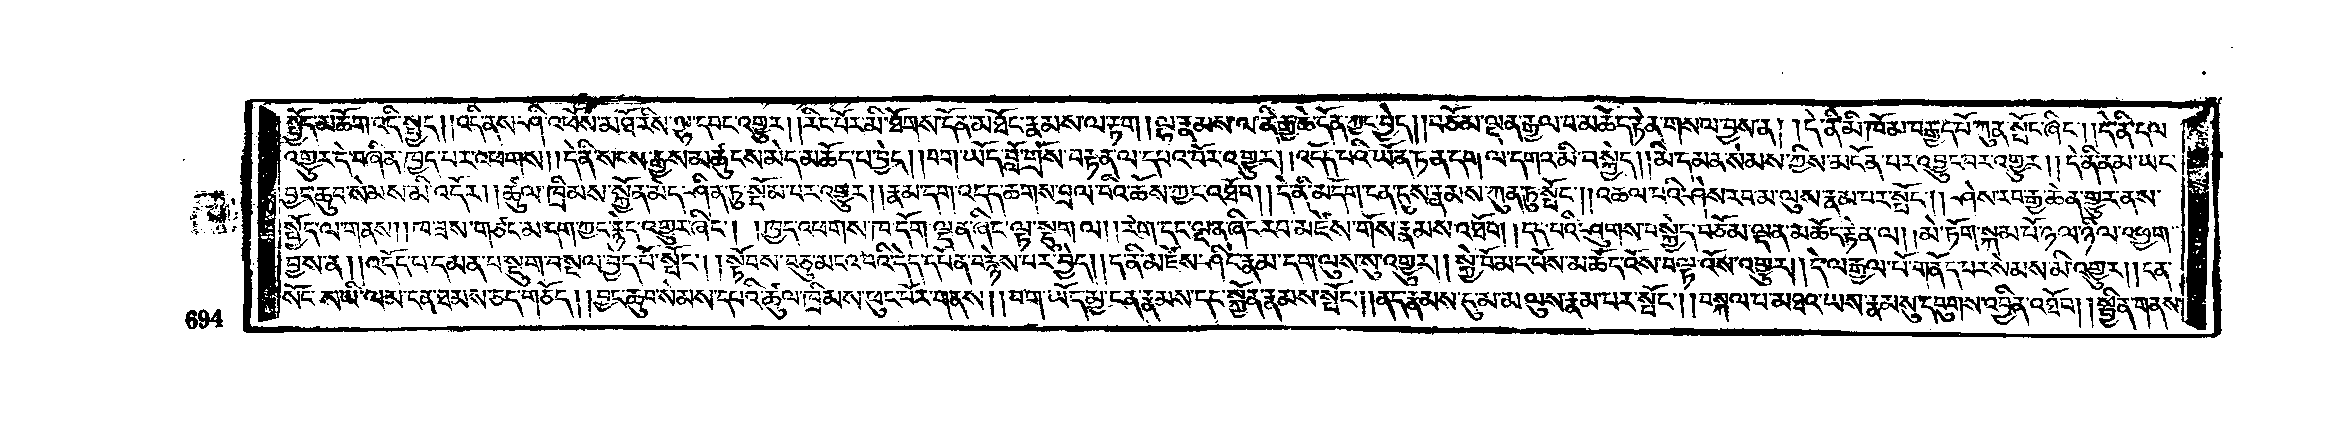སྤྱོད་མཆོག་འདི་སྤྱད། །འདི་ནས་ཤི་འཕོས་མཐོ་རིས་ལྷ་དབང་འགྱུར། །རིང་པོར་མི་ཐོགས་དོན་མཐོང་རྣམས་ལ་རྟག །ལྷ་རྣམས་ལ་ནི་རྒྱ་ཆེ་དོན་ཀྱང་བྱེད། །བཅོམ་ལྡན་རྒྱལ་བ་མཆོད་རྟེན་གསལ་བྱས་ན། །དེ་ནི་མི་ཁོམ་བརྒྱད་པོ་ཀུན་སྤོང་ཞིང་། །དེ་ནི་དལ་
འགྱུར་དེ་བཞིན་ཁྱད་པར་འཕགས། །དེ་ནི་སངས་རྒྱས་མཚུངས་མེད་མཆོད་པ་བྱེད། །བག་ཡོད་བློ་གྲོས་བརྟན་ལ་དཔའ་བོར་འགྱུར། །འདོད་པའི་ཡོན་ཏན་དག་ལ་དགའ་མི་བསྐྱེད། །མི་དམན་སེམས་ཀྱིས་མངོན་པར་འབྱུང་བར་འགྱུར། །དེ་ནི་ནམ་ཡང་
བྱང་ཆུབ་སེམས་མི་འདོར། །ཚུལ་ཁྲིམས་སྐྱོན་མེད་ཤིན་ཏུ་སྡོམ་པར་འགྱུར། །རྣམ་དག་འདོད་ཆགས་བྲལ་བའི་ཆོས་ཀྱང་འཐོབ། །དེ་ནི་མདོག་ངན་དུས་རྣམས་ཀུན་ཏུ་སྤོང་། །འཆལ་བའི་ཤེས་རབ་མ་ལུས་རྣམ་པར་སྤོང་། །ཤེས་རབ་རྒྱ་ཆེན་གྱུར་ནས་
སྤྱོད་ལ་གནས། །ཁ་ཟས་གཙང་མ་དག་ཀྱང་རྙེད་འགྱུར་ཞིང་། །ཁྱད་འཕགས་ཁ་དོག་ལྡན་ཞིང་ལྟ་སྡུག་ལ། །རེག་དང་ལྡན་ཞིང་རབ་མཛེས་གོས་རྣམས་འཐོབ། །དད་པའི་ཤུགས་བསྐྱེད་བཅོམ་ལྡན་མཆོད་རྟེན་ལ། །མེ་ཏོག་སྐམ་པོ་ཉལ་ཉིལ་འཕྱག་
བྱས་ན། །འདོད་པ་དམན་པ་སྡུག་བསྔལ་བྱེད་པོ་སྤོང་། །སྟོབས་བཅུ་མངའ་བའི་དེད་དཔོན་བརྙེས་པར་བྱེད། །ད་ནི་མཛེས་ཤིང་རྣམ་དག་ལུས་སུ་འགྱུར། །སྐྱེ་བོ་མང་པོས་མཆོད་འོས་བལྟ་འོས་འགྱུར། །དེ་ལ་རྒྱལ་པོ་གནོད་པར་སེམས་མི་འགྱུར། །ངན་
སོང་ས་ཡི་ལམ་ངན་ཐམས་ཅད་གཅོད། །བྱང་ཆུབ་སེམས་དཔའི་ཚུལ་ཁྲིམས་ཕུང་པོར་གནས། །བག་ཡོད་མྱ་ངན་རྣམས་དང་སྐྱོན་རྣམས་སྤོང་། །ནད་རྣམས་དུ་མ་མ་ལུས་རྣམ་པར་སྤོང་། །བསྐལ་པ་མཐའ་ཡས་རྣམས་སུ་དབུགས་འབྱིན་འཐོབ། །སྤྱིན་གནས་